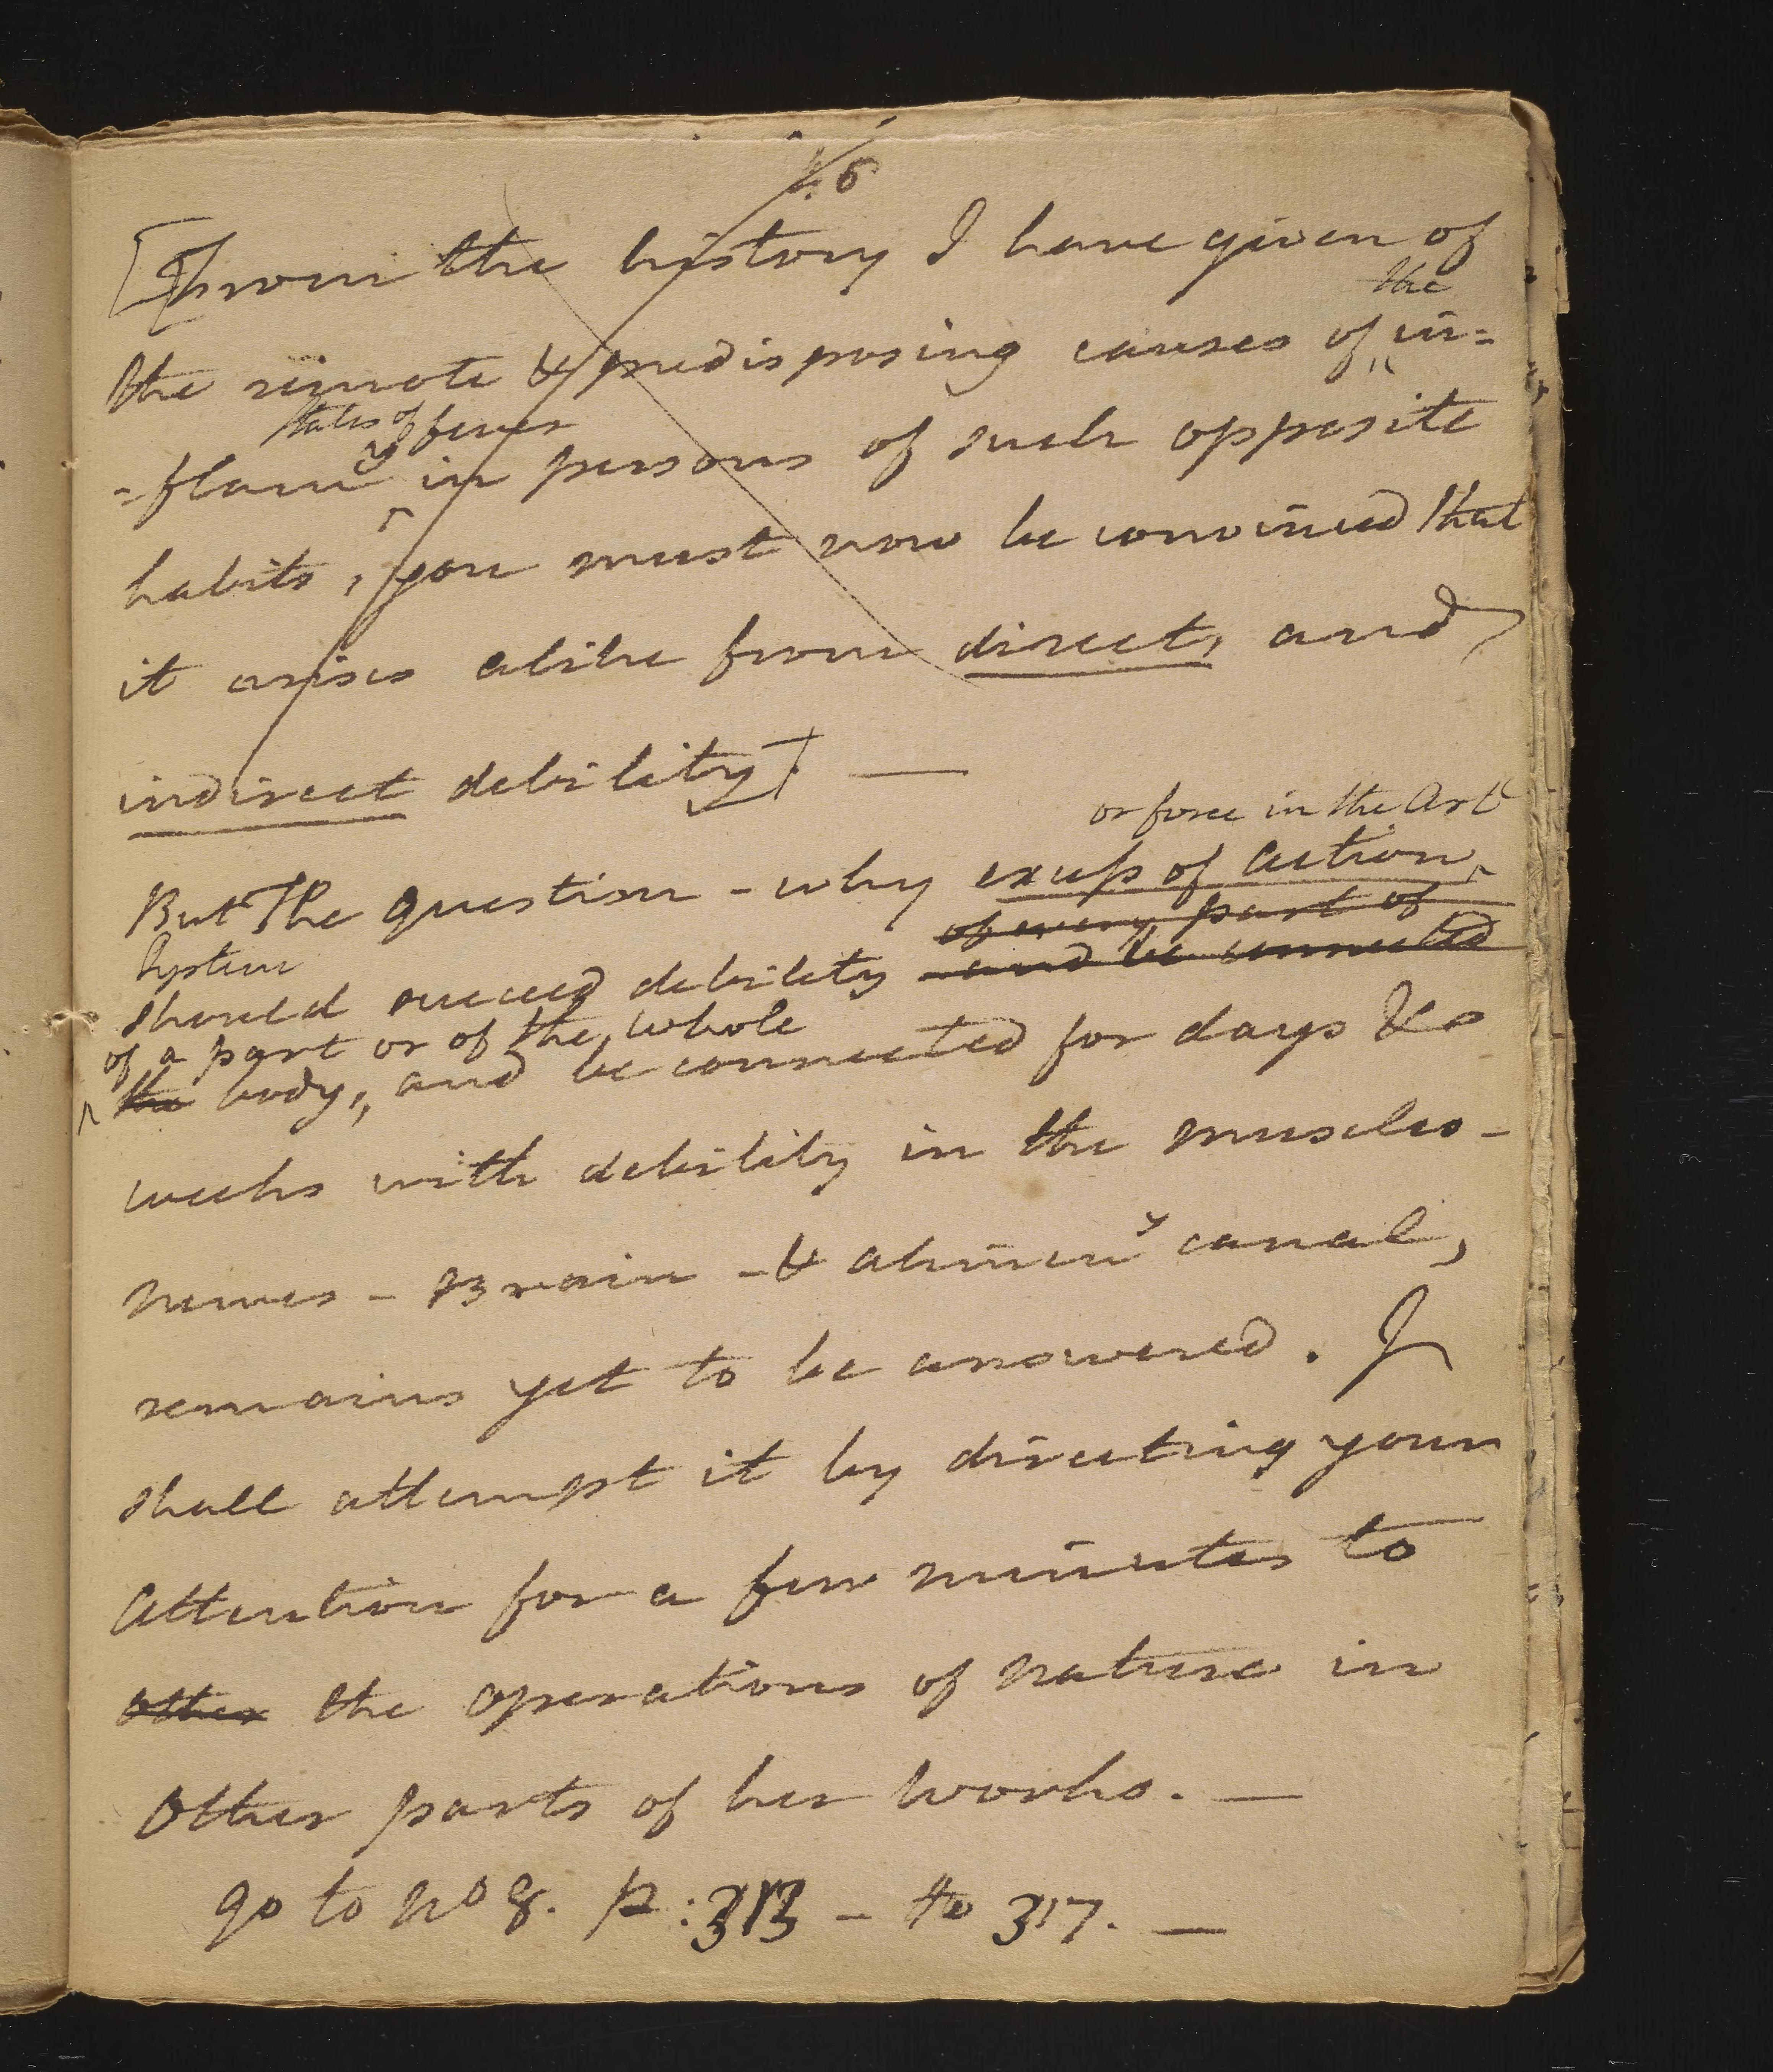46
(From the history I have given of
the
the remote & predisposing causes of in-
states of fever
-flam^y ^ in persons of such opposite
habits, you must now be convinced that
it arises alike from direct, and
indirect debility.)
or force in the Art^l
But the question, why excess of action ^
System
should succeed debility [and be connected]
of a part or of the whole
^ [the] body, and be connected for days &
weeks with debility in the muscles-
nerves- brain- & alimen^y canal,
remains yet to be answered. I
shall attempt it by directing your
Attention for a few minutes to
[other] the operations of nature in
Other parts of her works.-
go to N^o 8. p. 313, to 317.